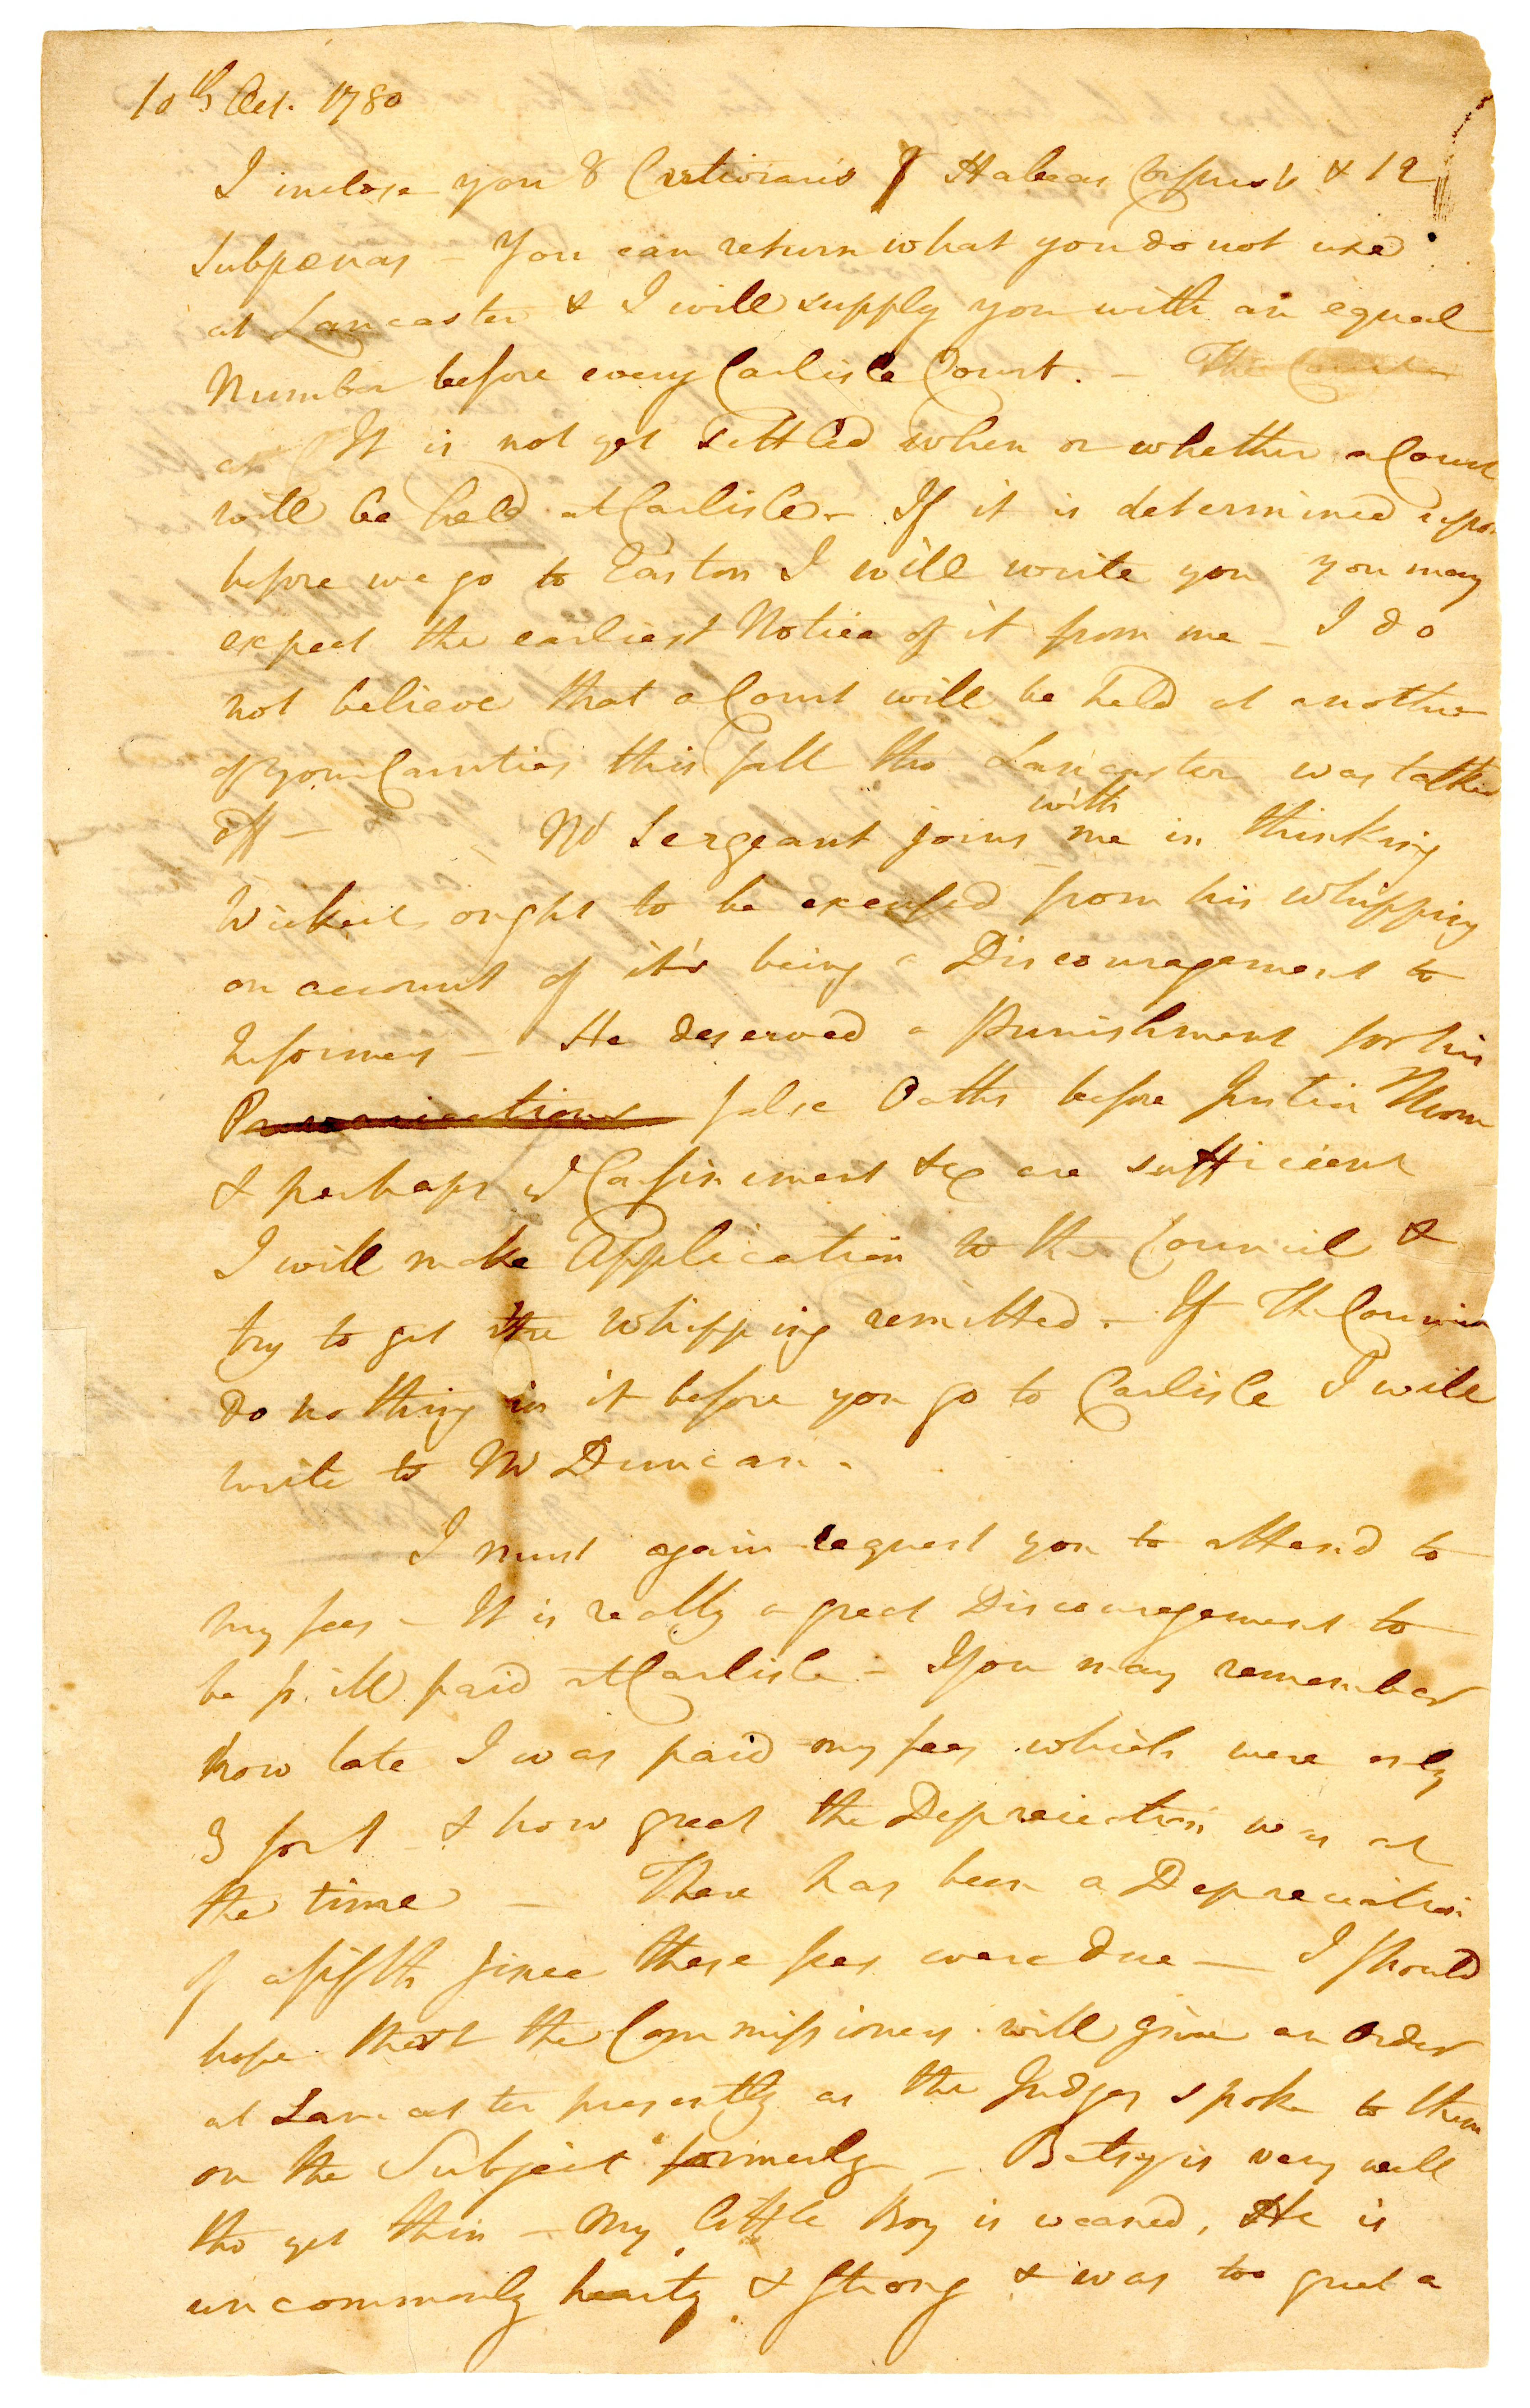10^th. Oct. 1780
I inclose you 8 Certioraris / Habeas Corpuses & 12
Subponas. You can return what you do not use
at Lancaster & I will supply you with an equal
Number before every Carlisle Court. The Court
lt is not yet settled when or whether a Court
will be held at Carlisle. If it is determined upon
before we go to Easton I will write you you may
expect the earliest Notice of it from me I do
not believe that a Court will be held at another
of your Counties this fall tho Lacaster was talked
off.
with
No Sergeant joins ^ me in thinking
Wickerts ought to be excused from his whipping
on account of it's being Discouragement to
Reformes. He deserved Punishment for his
[Prevarications] false Oaths before Justice Men
& perhaps y^e Confinement &c are sufficient
I will make Application to the Council &
ty to get the whipping remitted. If the Courier
do no thing in it before you go to Carlisle I will
write to M^r Duncan.
I must again request you to attend to
my fees. It is really a great Discouragement to
be so ill paid at Carlisle. You may remember
how late I was paid my fees which were only
3 for 1 & how great the Declaration was at
the time. There has been a Depreciation
of a fifth since these fees were due. I should
hope that the Commissioners will give an Order
at Lancaster presently as the Judges spoke to them
on the Subject formerly. Betsy is very well
tho yet thin. My little Boy is weaned, He is
uncommonly hearty & strong & was too great a